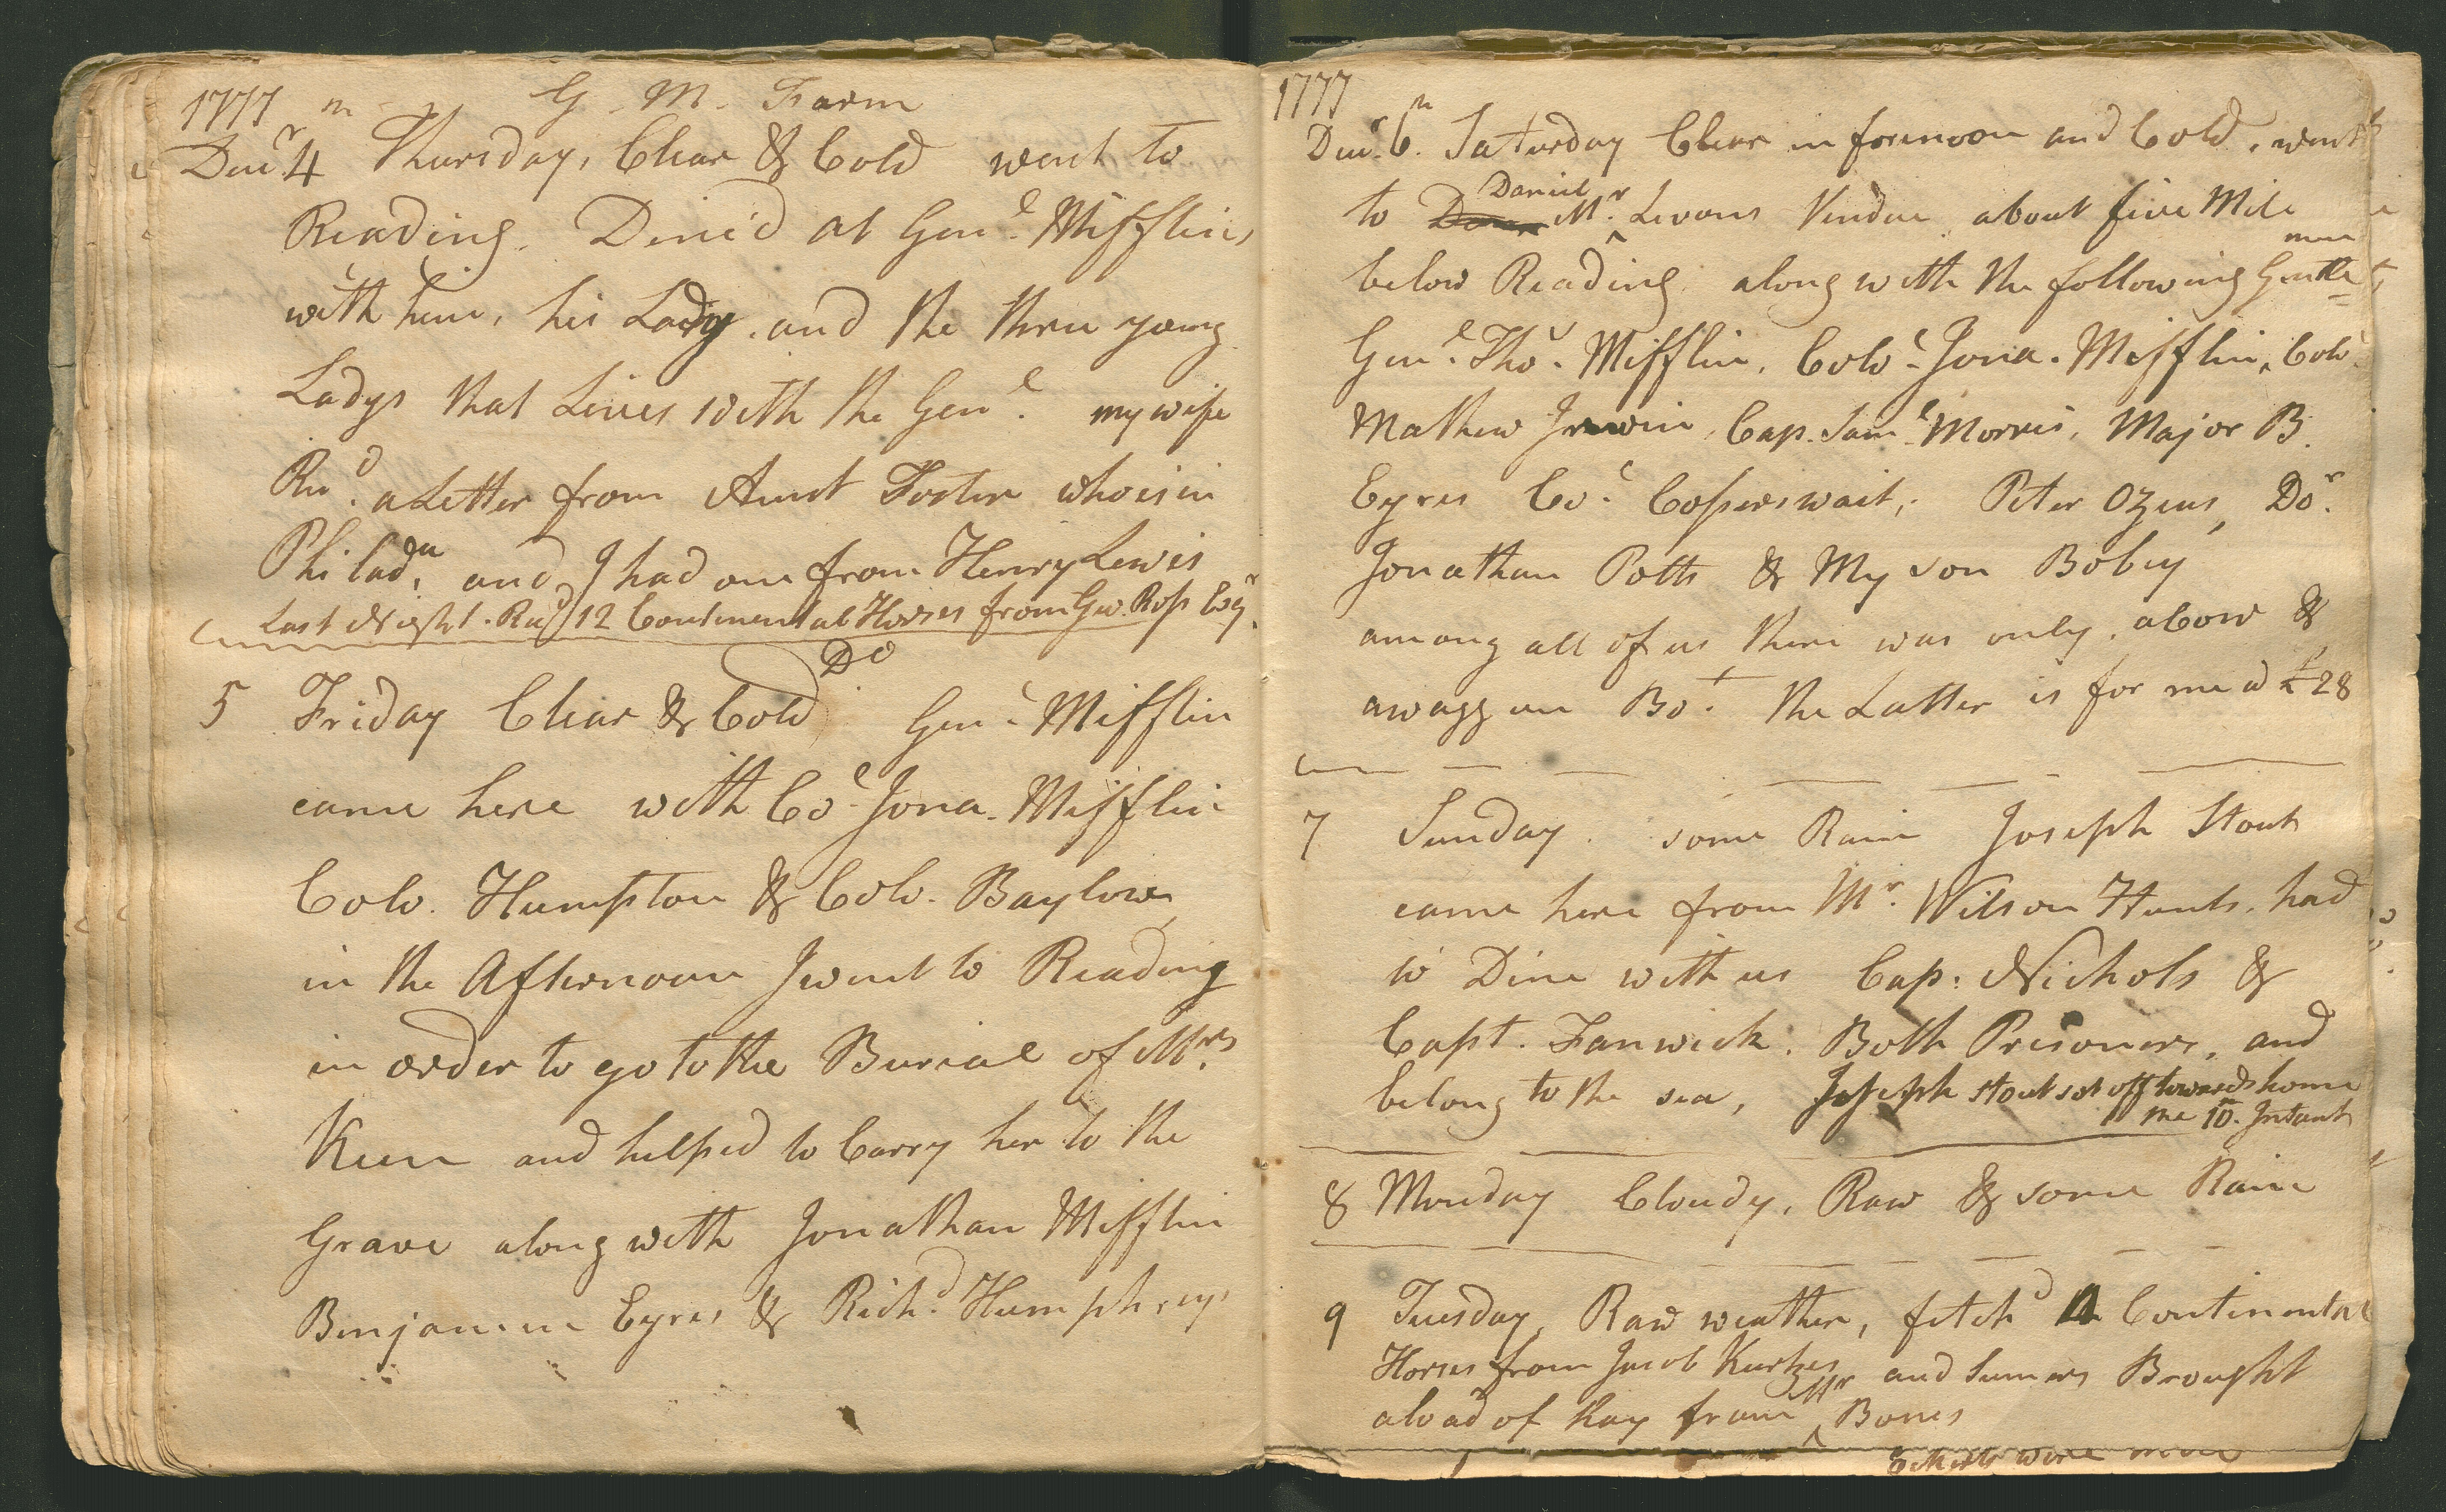1777
G M. Farm
Dec^r 4^th Thursday, Clear & Cold went to
Reading. Dine'd at Gen^l. Mfflins
with him, his Lady. and the three young
Ladys that Lives with the Gen^l. my wife
Rec^d. a Letter from Aunt Foiter who is in
Philad^a. and I had one from Henry Lewis
Last Night. Rec^d 12 Continental Horses from Geo. Ross Esq^r.
D^o.
5 Friday Clear & Cold. Gen^l. Mifflin
came here with Co^l. Jona. Mifflin
Colo. Humpton & Colo. Baylow
in the Afternoon I went to Reading
in order to go to the Burial of M^rs.
Kun and helped to Carry her to the
Grave along with Jonathan Mifflin
Bengaiine Eyres & Rich^d. Humphreys
1777
Dec^r. 6^th. Saturday Clear in forenoon and Cold, went
Daniel
to [Decer] M^r. ^ Levans Vendue about five Mile
men
below Reading along with the following Gentle
Gen^l. Tho^s. Mifflin, Colo^l. Jona. Mifflin, Colo^l.
Mathew Irwin, Cap. Sam^l. Morris, Major B.
Eyres Co^l. Coperswait, Peter Ozens Do^r.
Jonathan Potts & My son Bobey
among all of us there was only a Cow &
a waggon Bo^t. the Latter is for me @ £28
7 Sunday. some Rain Joseph Stout
came here from M^r. Wilson Hunts had
to Dine with us Cap^t. Nichots &
Capt. Fanwick. Both Prisoners, and
belong to the sea, Joseph stout set off towards home
the 10^th. Instant
8 Monday Cloudy. Raw & some Rain
9 Tuesday. Raw weather, fetch^d 4 Continental
Horses from Jacob Kurtzes, and Sumers Brought
M^r
a load of hay from ^ Bones